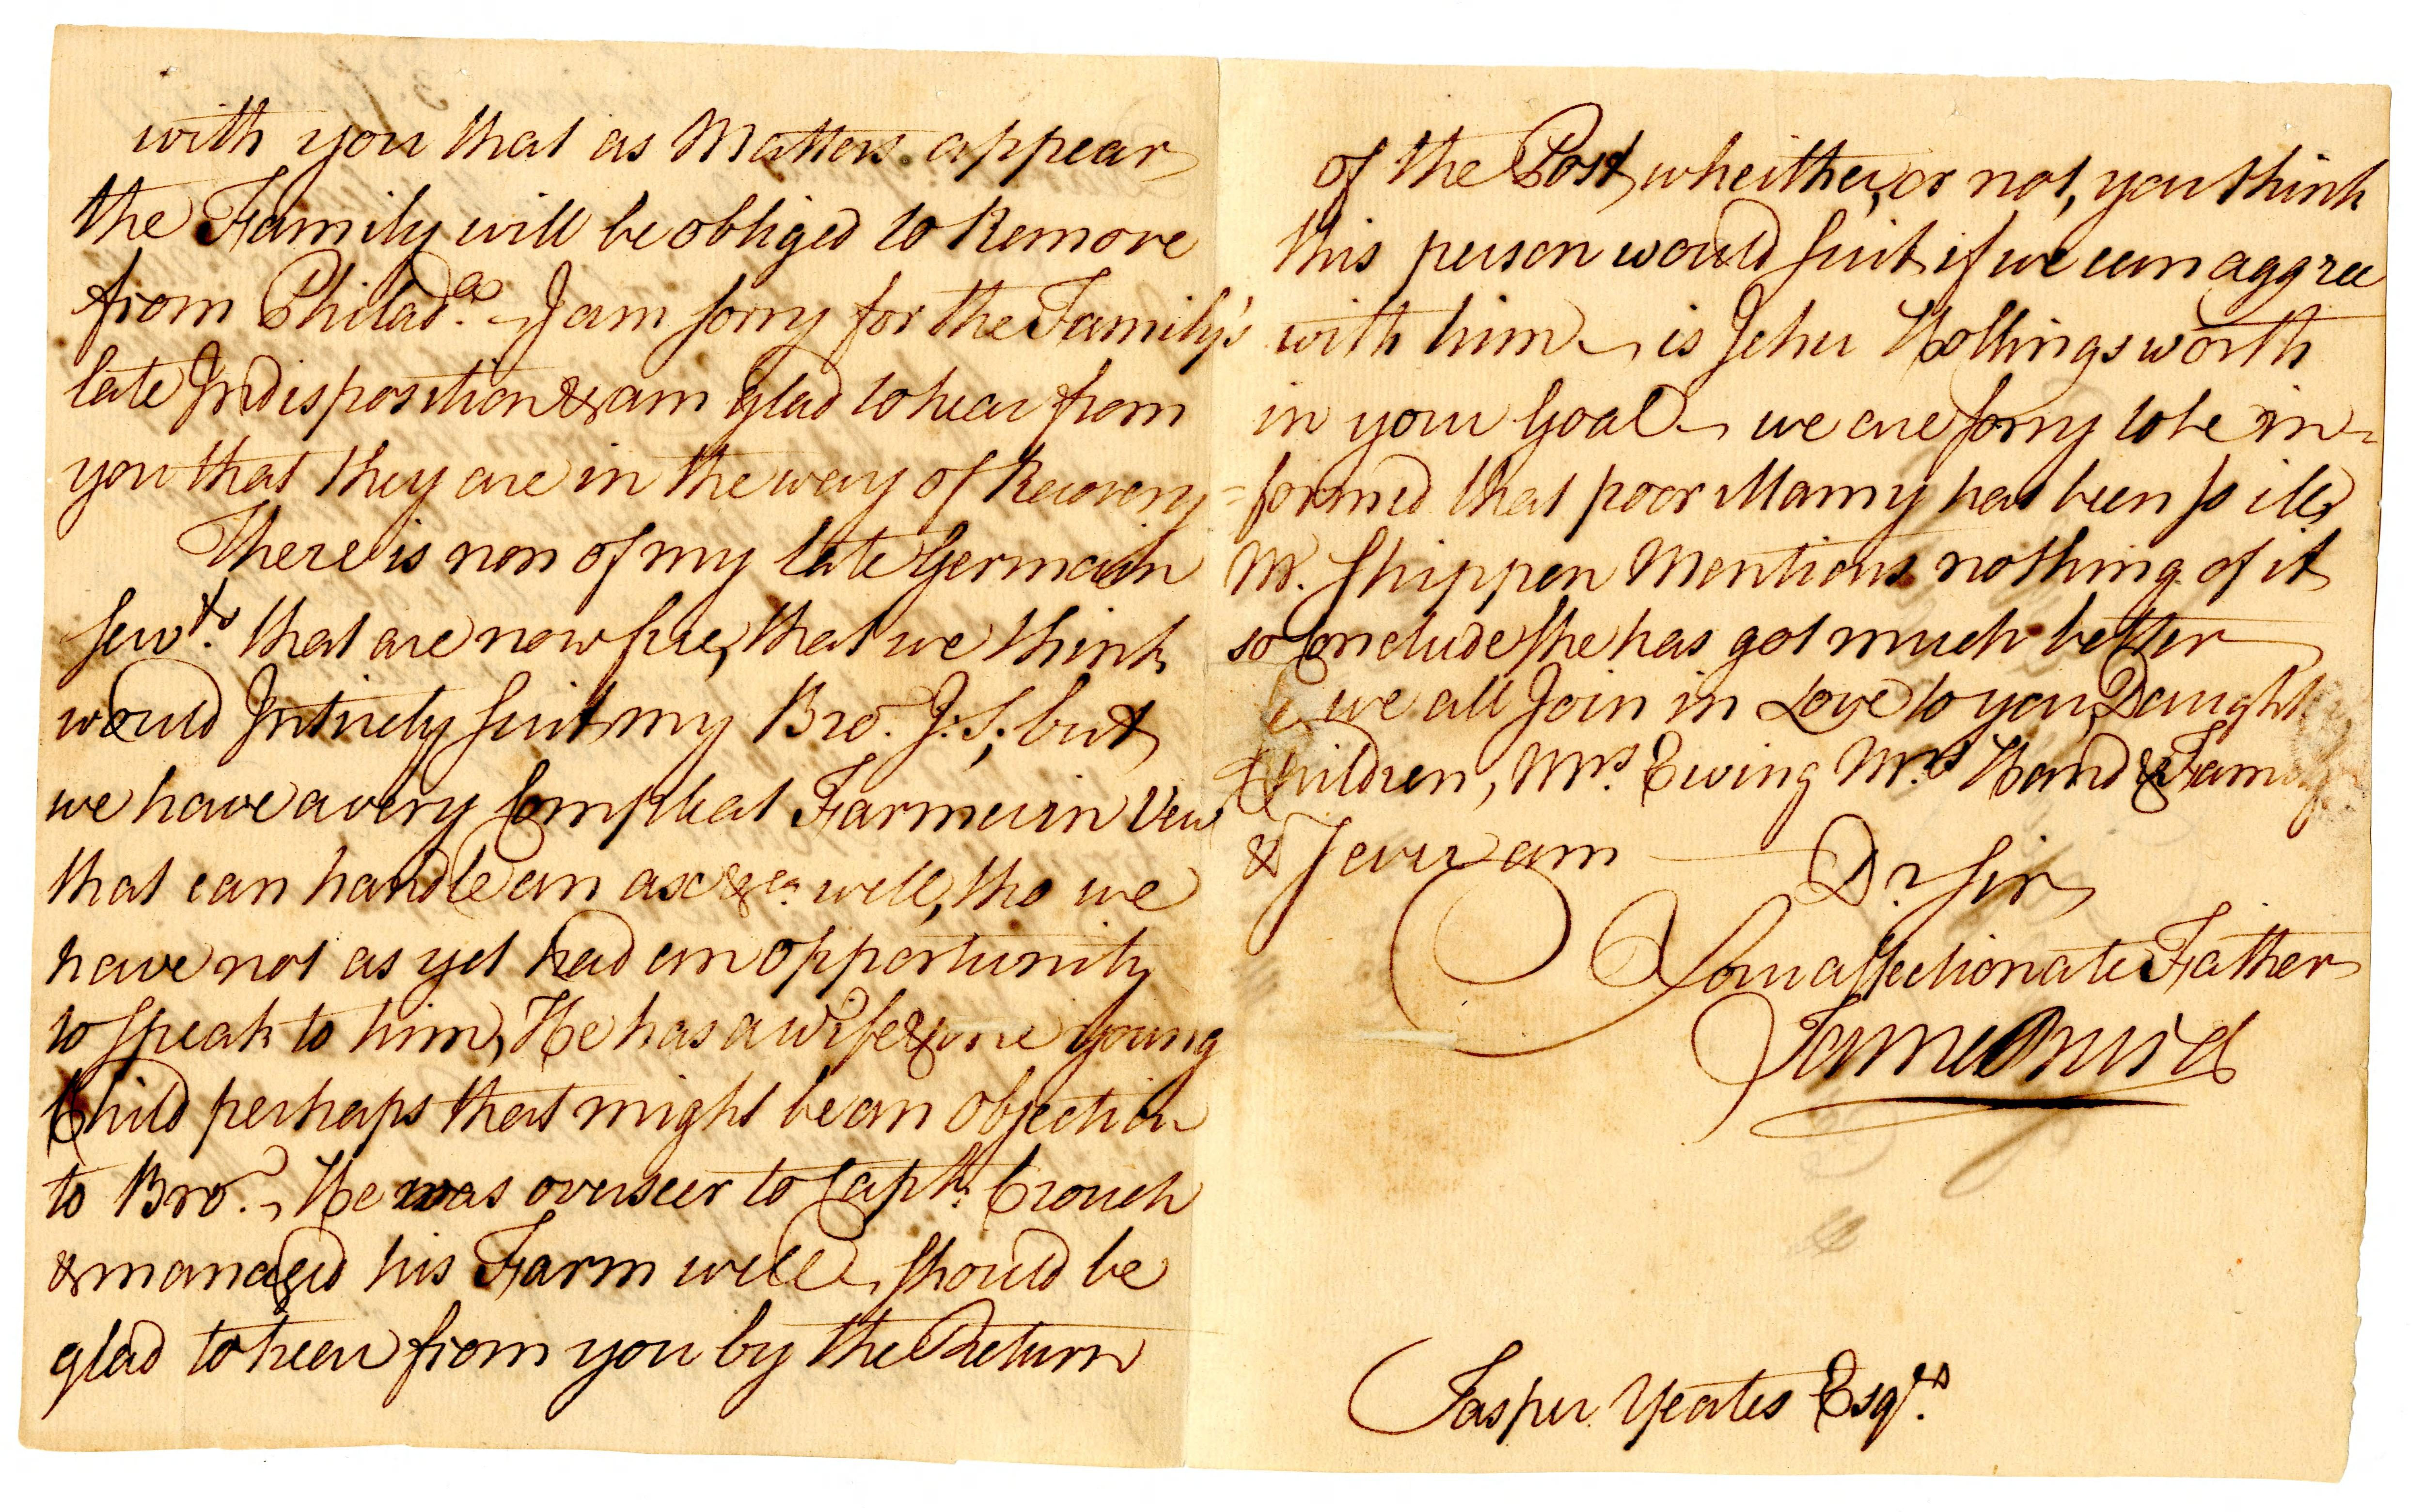with you that as Matters appear
the Family will be obliged to Remove
from Philad^a. I am sorry for the Family's
late Indisposition & am glad to hear from
you that they are in the way of Recovery.
There is non of my late German
Serv^ts. that are now free, that we think
would Intirely suit my Bro. J. S; but
we have a very Compleat Farmer in Vew
that can handle em asc&c. well, tho we
have not as yet had an opportunity
to speak to him, He has a wife & one Young
Child perhaps that might be an objection
to Bro.- He was overseer to Capt. Crouch
& managed his Farm well, should be
glad to hear from you by the Return
of the Post whether, or not, you think
this person would suit if we can aggree
with him, is John Hollingsworth
in your Goal- We are sorry to be in-
-formed that poor Mamy has been so ill.
M. Shippen Mentions nothing of it
so conclude she has got much better
We all Join in Love to your Daughter
Children, M^rs. Ewing M^r. Hand & Family
& I ever am
D^r. Sir
Your affectionate Father
James Burd
Jasper Yeates Esq^r.